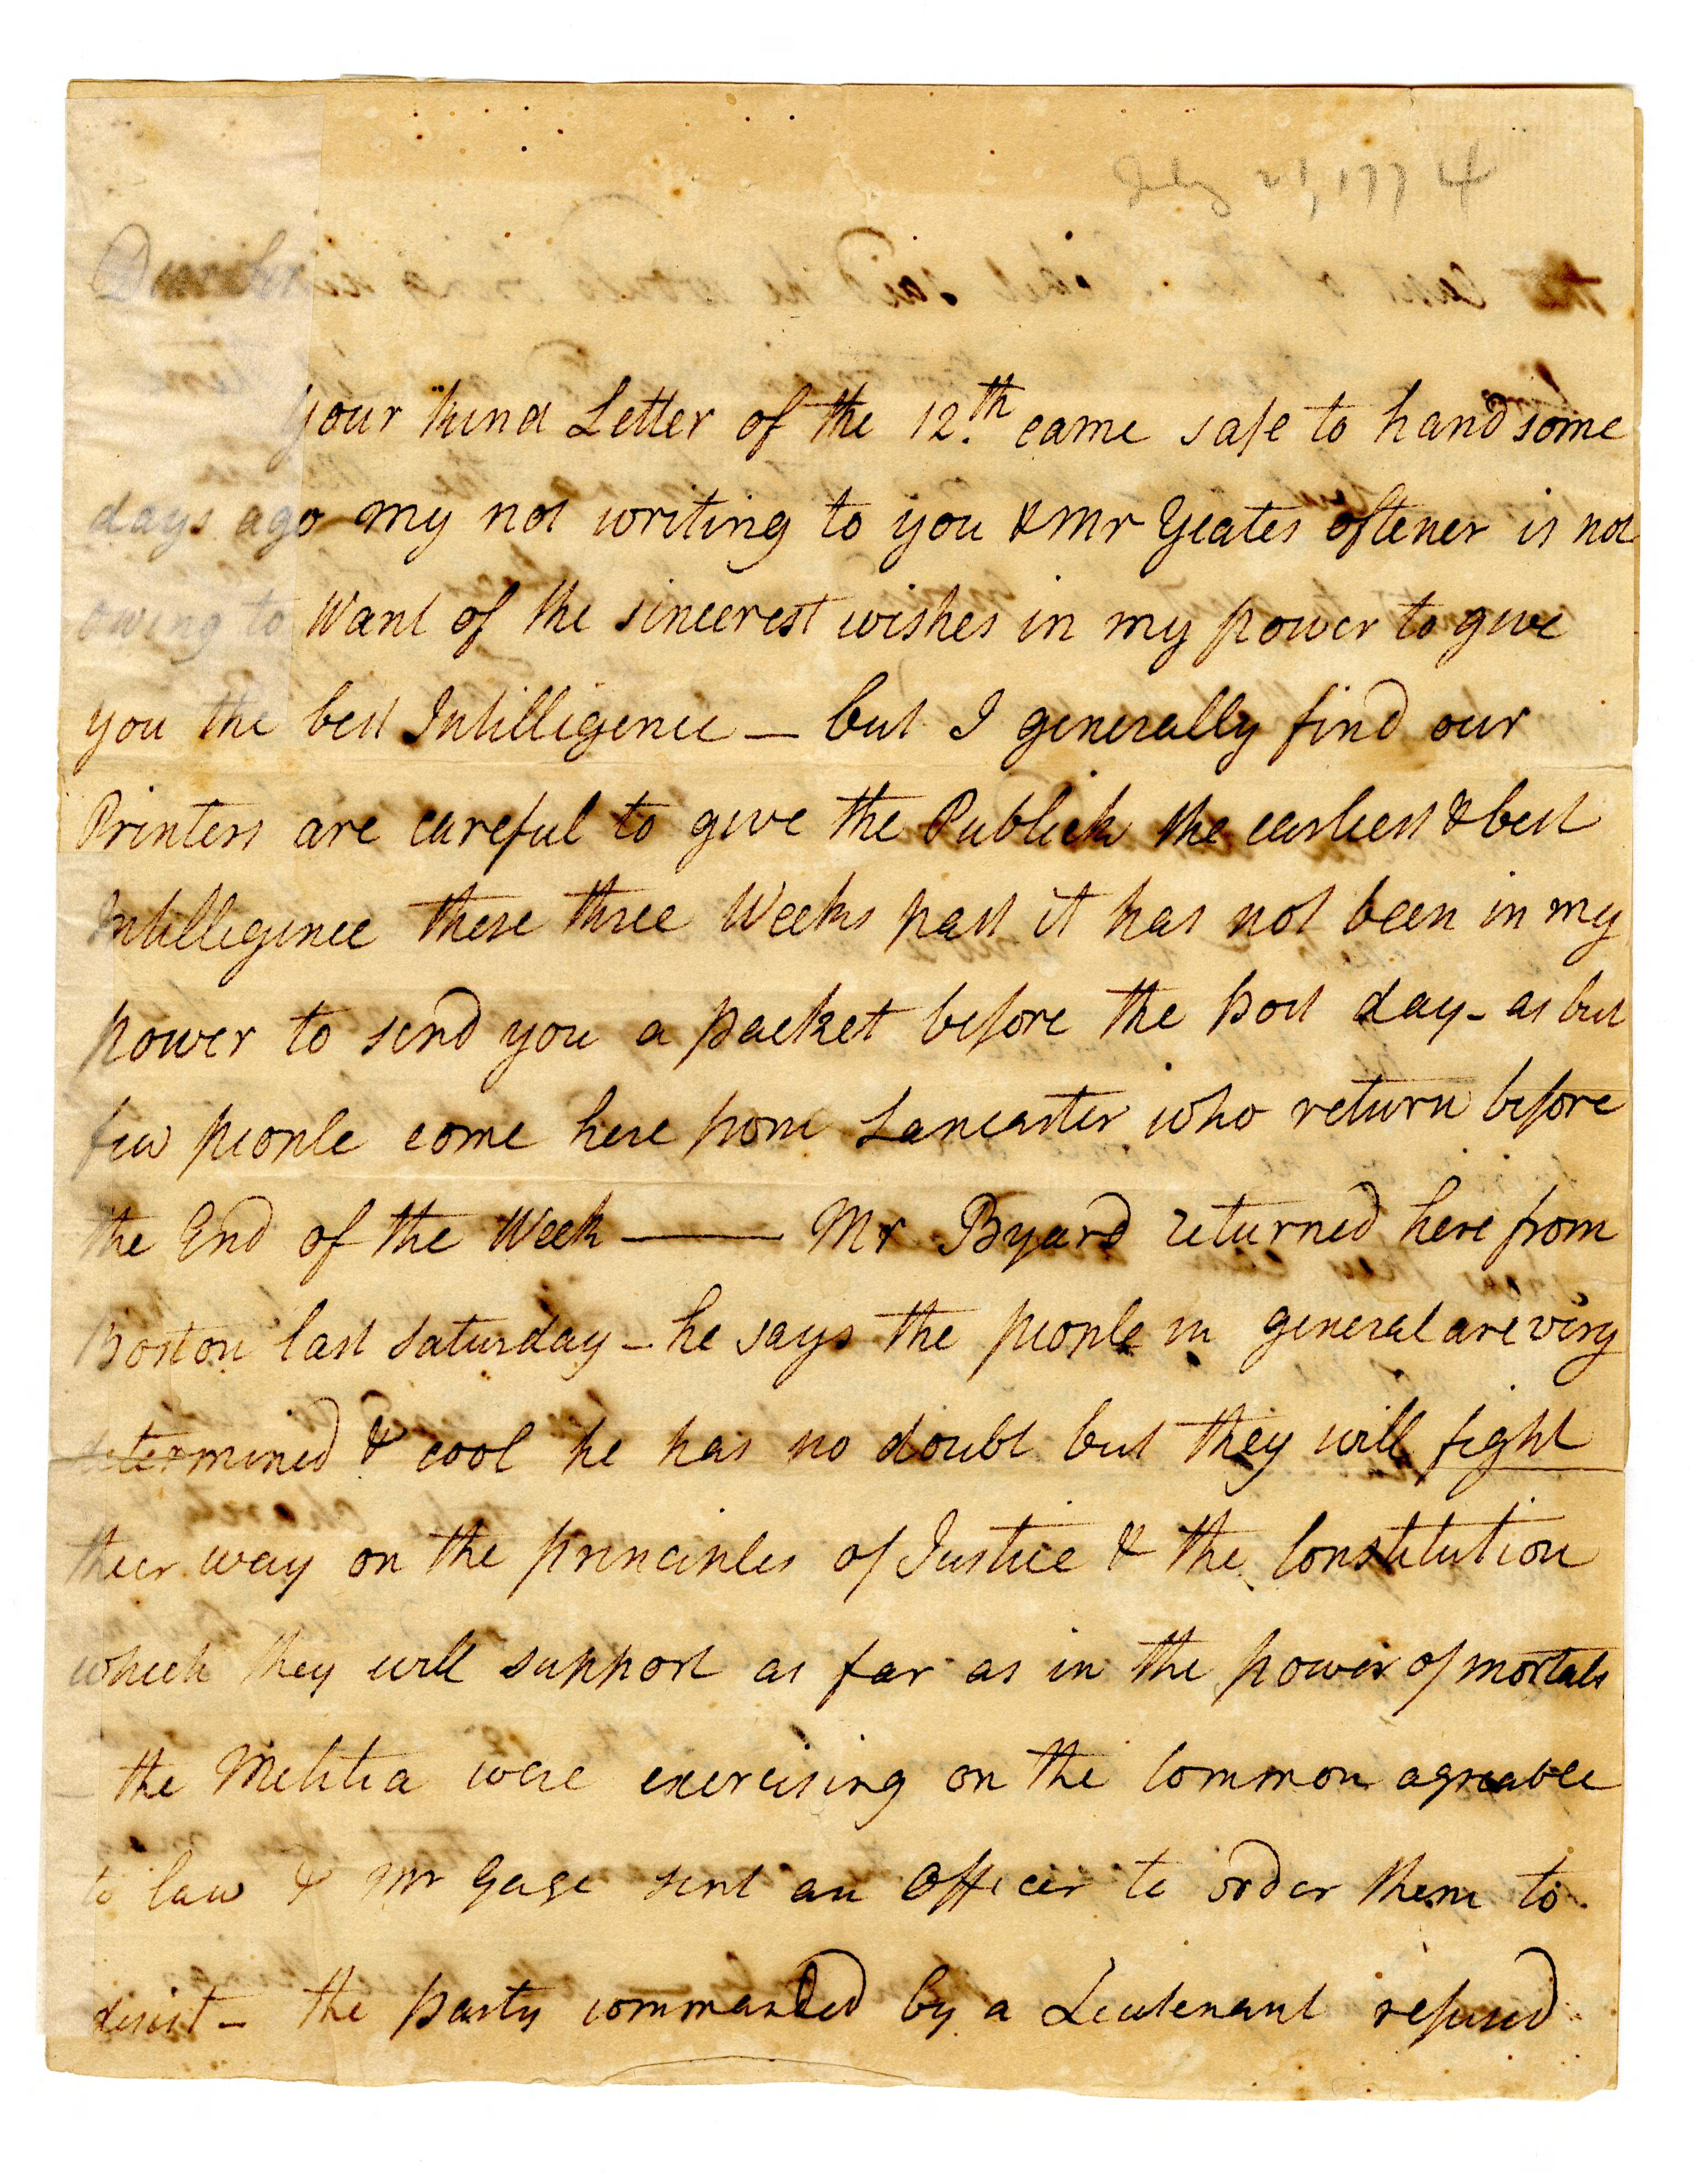Dear Sir
Your kind Letter of the 12^th. came safe to hand some
days ago my not writing to you & Mr Yeates oftener is not
owing to Want of the sincerest wishes in my power to give
you the best Intilligence- but I generally find our
Printers are careful to give the Publick the earliest & best
Intilligence these three Weeks past it has not been in my
power to send you a packet before the post day- as but
few people come here from Lancaster who return before
the End of the Week- Mr Byard returned here from
Boston last saturday- he says the people in general are very
determined & cool he has no doubt but they will fight
their way on the principles of Justice & the Constitution
which they will support as far as in the power of mortals
-the Militia were exercising on the Common agreable
to law & M^r Gage sent an officer to order them to
desist- The party commanded by a Leutenant refused